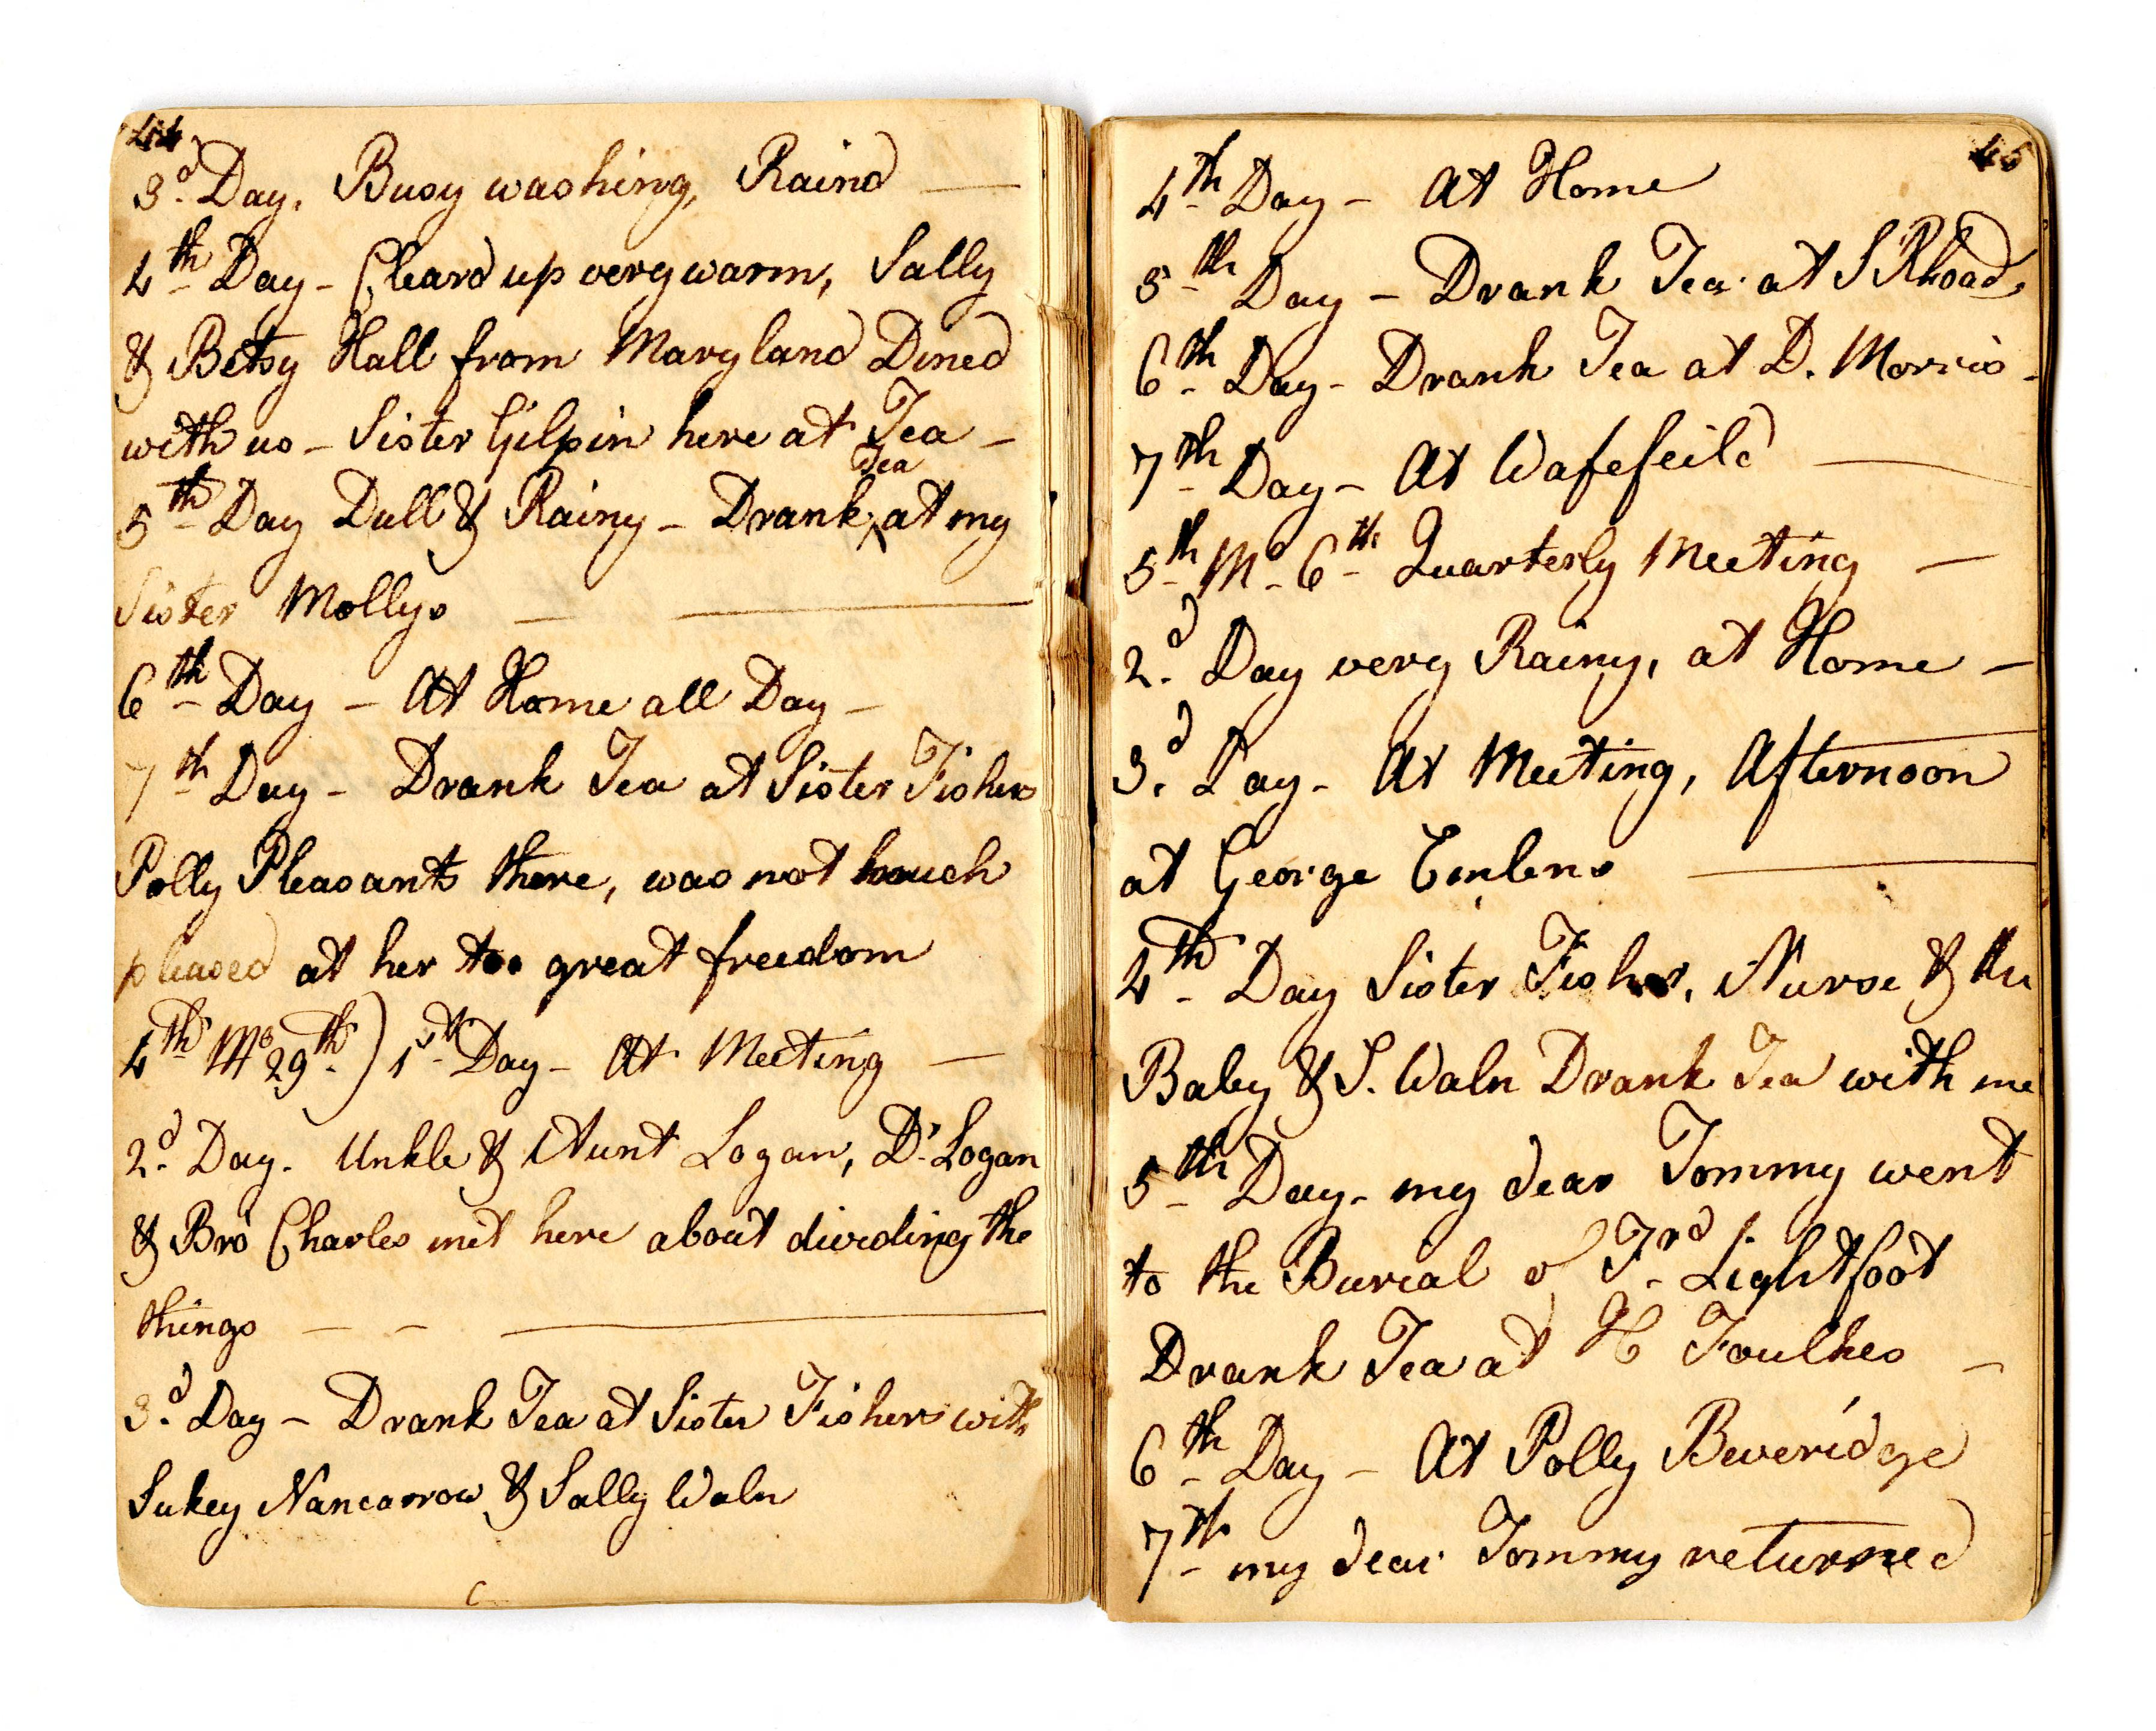3^d. Day, Busy washing, Raind
4^th Day- Cleard up very warm, Sally
& Betsy Hall from Maryland Dined
with us- Sister Gilpin here at Tea-
Tea
5^th Day Dull & Rainy- Drank ^ at my
Sister Mollys
6^th Day- At Home all Day-
7^th Day- Drank Tea at Sister Fishers
Polly Pleasants there, was not much
pleased at her too great freedom
4^th M^o 29^th) 1^st Day- At Meeting
2^d. Day. Unkle & Aunt Logan, D^r. Logan
& Bro' Charles met here about dividing the
things
3^d. Day- Drank Tea at Sister Fishers with
Sukey Nancarrow & Sally Waln
4^th Day- At Home
5^th Day- Drank Tea at S. Rhoads
6^th Day- Drank Tea at D. Morris
7^th Day- At Wafefeild
5^th M^o 6^th Quarterly Meeting
2^d. Day very Rainy, at Home-
3^d. Day- At Meeting, Afternoon
at George Emlens
4^th Day Sister Fisher, Nurse & the
Baby & S. Waln Drank Tea with me
5^th Day- my dear Tommy went
to the Burial of F^rd Lightfoot
Drank Tea at H Foulkes
6^th Day- At Polly Beveridge
7^th my dear Tommy returned